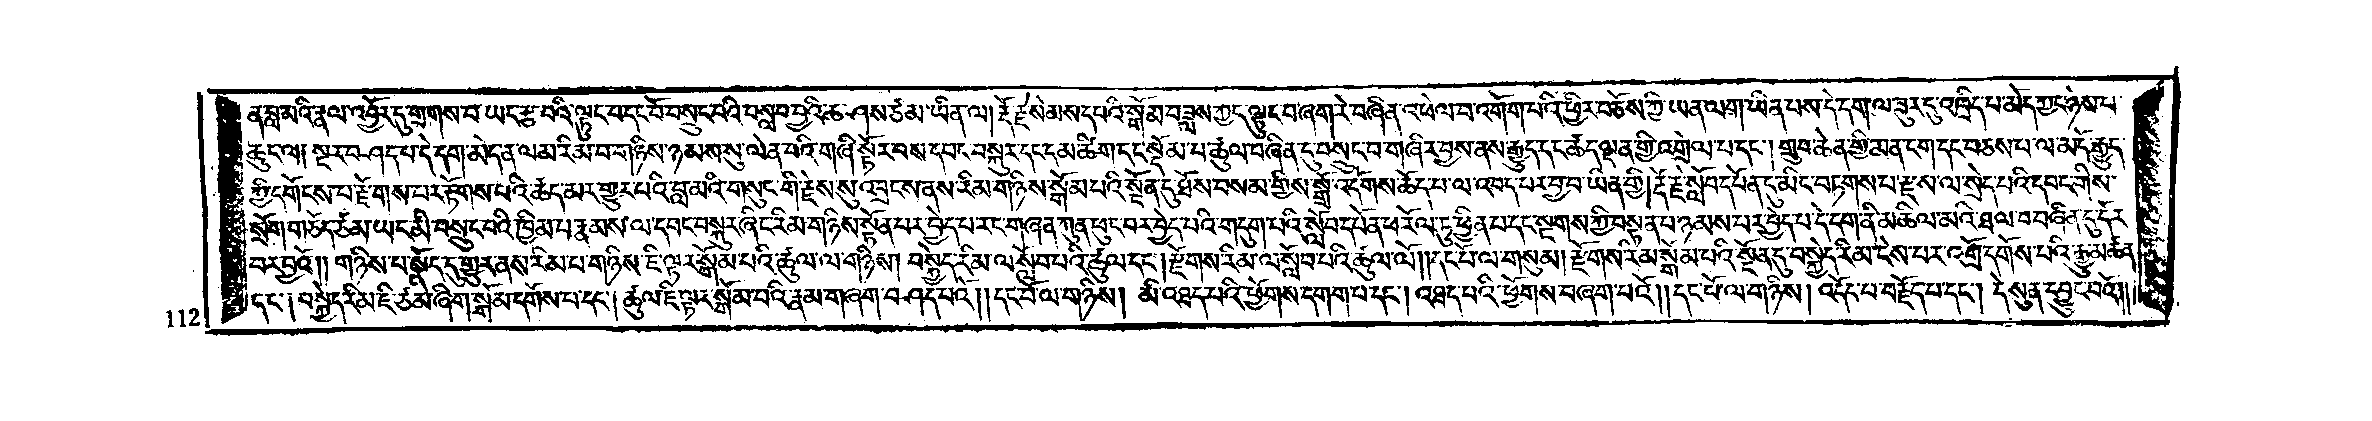ན་བླ་མའི་རྣལ་འབྱོར་དུ་གྲགས་པ་ཡང་རྩ་བའི་ལྟུང་བ་དང་པོ་བསྲུང་བའི་བསླབ་བྱའི་ཆ་ཤས་ཙམ་ཡིན་ལ། རྡོ་རྗེ་སེམས་དཔའི་སྒོམ་བཟླས་ཀྱང་ལྟུང་བ་ཞག་རེ་བཞིན་འཕེལ་བ་འགོག་པའི་ཕྱིར་བཅོས་ཀྱི་ཡན་ལག་ཡིན་པས་དེ་དག་ལ་ཟུར་དུ་འཁྲིད་པ་མེད་ཀྱང་ཉེས་པ་
ཆུང་ལ། སྔར་བཤད་པ་དེ་དག་མེད་ན་ལམ་རིམ་པ་གཉིས་ཉམས་སུ་ལེན་པའི་གཞི་སྟོར་བས་དབང་བསྐུར་དང་དམ་ཚིག་དང་སྡོམ་པ་ཚུལ་བཞིན་དུ་བསྲུང་བ་གཞིར་བྱས་ནས་རྒྱུད་དང་ཚད་ལྡན་གྱི་འགྲེལ་པ་དང་། གྲུབ་ཆེན་གྱི་མན་ངག་དང་བཅས་པ་ལ་མདོ་རྒྱུད་
ཀྱི་དགོངས་པ་རྫོགས་པར་རྟོགས་པའི་ཚད་མར་གྱུར་པའི་བླ་མའི་གསུང་གི་རྗེས་སུ་འབྲངས་ནས་རིམ་གཉིས་སྒོམ་པའི་སྔོན་དུ་ཐོས་བསམ་གྱིས་སྒྲོ་འདོགས་ཆོད་པ་ལ་འབད་པར་བྱ་བ་ཡིན་གྱི། རྡོ་རྗེ་སློབ་དཔོན་དུ་མིང་བཏགས་པ་རྫས་ལ་སྲེད་པའི་དབང་གིས་
སྲོག་གཅོད་ཙམ་ཡང་མི་བསྲུང་བའི་ཁྱིམ་པ་རྣམས་ལ་དབང་བསྐུར་ཞིང་རིམ་གཉིས་སྟོན་པར་བྱེད་པ་རང་གཞན་ཀུན་ཕུང་བར་བྱེད་པའི་གདུག་པའི་སློབ་དཔོན་ཕ་རོལ་ཏུ་ཕྱིན་པ་དང་སྔགས་ཀྱི་བསྟན་པ་ཉམས་པར་བྱེད་པ་དེ་དག་ནི་མཆིལ་མའི་ཐལ་བ་བཞིན་དུ་དོར་
བར་བྱའོ། །གཉིས་པ་སྣོད་དུ་གྱུར་ནས་རིམ་པ་གཉིས་ཇི་ལྟར་སྒོམ་པའི་ཚུལ་ལ་གཉིས། བསྐྱེད་རིམ་ལ་སློབ་པའི་ཚུལ་དང་། རྫོགས་རིམ་ལ་སློབ་པའི་ཚུལ་ལོ། །དང་པོ་ལ་གསུམ། རྫོགས་རིམ་སྒོམ་པའི་སྔོན་དུ་བསྐྱེད་རིམ་ངེས་པར་འགྲོ་དགོས་པའི་རྒྱུ་མཚན་
དང་། བསྐྱེད་རིམ་ཇི་ཙམ་ཞིག་སྒོམ་དགོས་པ་དང་། ཚུལ་ཇི་ལྟར་སྒོམ་པའི་རྣམ་གཞག་བཤད་པའོ། །དང་པོ་ལ་གཉིས། མི་འཐད་པའི་ཕྱོགས་དགག་པ་དང་། འཐད་པའི་ཕྱོགས་བཞག་པའོ། །དང་པོ་ལ་གཉིས། འདོད་པ་བརྗོད་པ་དང་། དེ་སུན་དབྱུང་བའོ། །